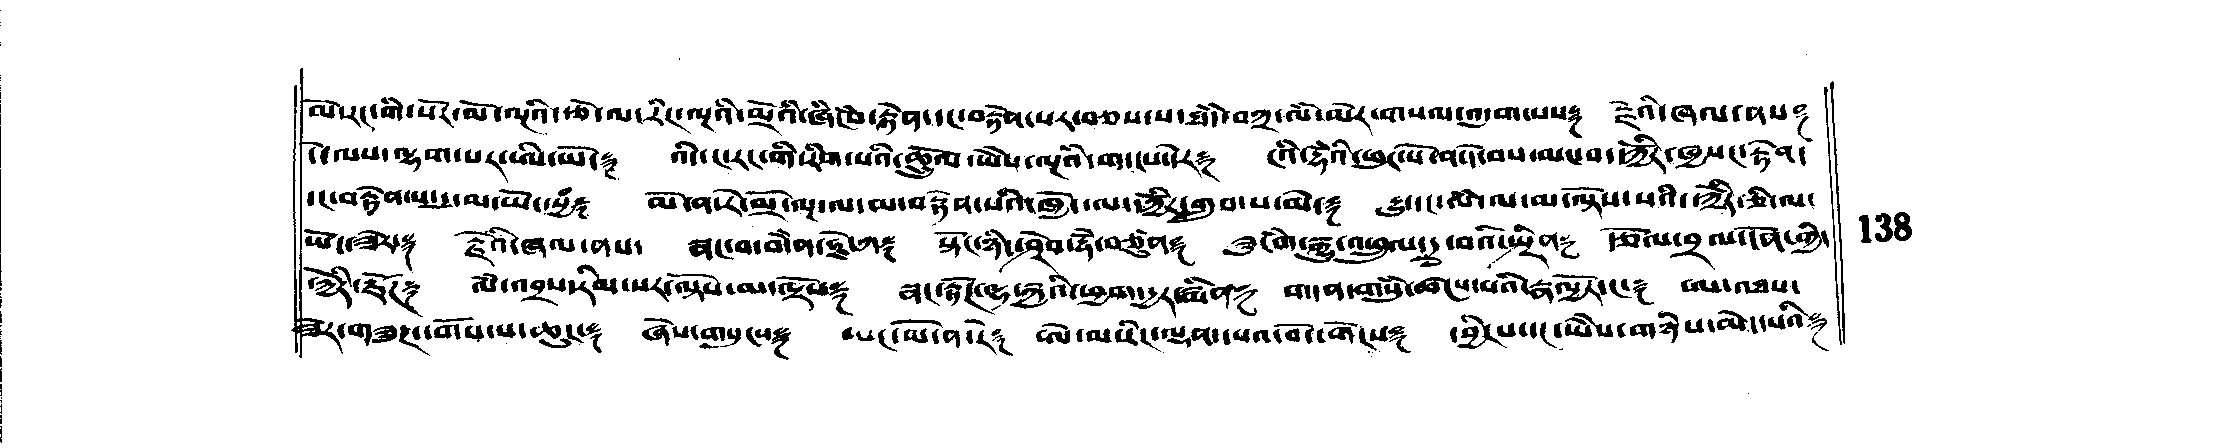མོ་རང་གི་སོར་མོ་ལྔའི་རྩེ་ལ་རིགས་ལྔའི་མཁའ་འགྲོའི་ཞིང་ཁམས་རྟེན་དང་བརྟེན་པར་བཅས་པ་ཐམས་ཅད་བཀྲ་ལམ་མེར་གསལ་འདུག་པས། རྗེའི་ཞལ་ནས། 
དེ་ལས་ལྷག་པར་ཨི་ཡོད། འདི་ང་རང་གི་རིག་པའི་ཆོམ་འཕྲུལ་ཡེ་ཤེས་ལྔའི་གདངས་དེར། ངའི་རྡོ་རྗེའི་ཕུང་པོ་ན་དེ་བས་མང་བ་དཀྱིལ་འཁོར་གཞལ་ཡས་ཁང་རྟེན་
དང་བརྟེན་པ་དུ་མ་ཡོད་གསུངས། མོ་ན་རེ་མཁའ་འགྲོ་ལྔ་ལ་མ་བརྟེན་པའི་ཁྱོད་ལ་དཀྱིལ་འཁོར་གྲུབ་པ་མེད། རྒྱུ་དང་ལམ་ལ་མ་ལྟོས་པའི་དཀྱིལ་འཁོར་ཅི་ལ་
ཡོད་ཟེར།རྗེའི་ཞལ་ནས། སྣང་བ་བདེ་ཆེན་ཧེ་རུ་ཀ །སྟོང་ཉིད་ཤེས་རབ་རྡོ་རྗེ་བཙུན། །ཟུང་འཇུག་སྒྱུ་འཕྲུལ་དྲྭ་བའི་སྤྲིན། །རྩོལ་བྲལ་དོན་གྱི་
དཀྱིལ་འཁོར་རྫོགས། །ལམ་འབྲས་རིམ་པར་ལྟོས་མ་ལྟོས། །སྣང་རྟོགས་ལྷ་སྐུའི་ཕྱག་རྒྱར་སྨིན། །གདན་གསུམ་ཚངས་པའི་རྣལ་འབྱོར་ང་། །ཨ་འཐས་
ཟེར་གཟུགས་དགོས་པ་ཆུང་། །ཞེས་གསུངས། ཡང་མོ་ན་རེ། ཨེ་མ་རིགས་ལྡན་དཔའ་བོ་དགོངས། །དབྱིངས་དང་ཡེ་ཤེས་གཉིས་མེད་པའི།